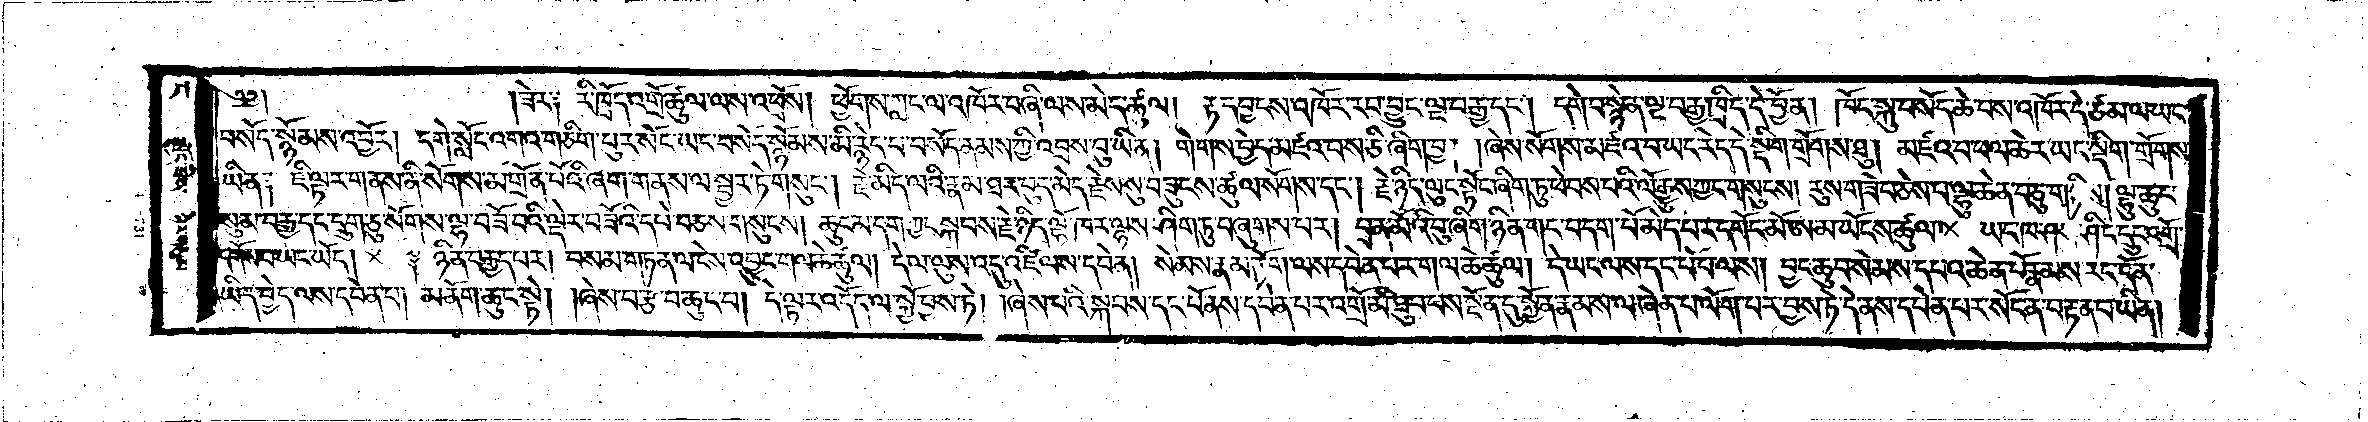༄༅། །ཟེར༑ རི་ཁྲོད་འགྲོ་ཚུལ་ལས་འཕྲོས། ཕྱོགས་ཀླང་ལ་འཁར་བཞི་ལས་མེད་ཚུལ། རྟ་དབྱངས་འཁོར་རབ་བྱུང་ལྔ་བརྒྱ་དང་། དགེ་བསྙེན་ལྔ་བརྒྱ་ཁྲིད་དེ་བྱོན། ཁོང་སྐུ་བསོད་ཆེ་བས་འཁོར་དེ་ཙམ་ལ་ཡང་
བསོད་སྙོམས་འབྱོར། དགེ་སློང་འགའ་གཅིག་པུར་སོང་ཡང་བསོད་སྙོམས་མི་རྙེད་པ་བསོད་ནམས་ཀྱི་འབྲས་བུ་ཡིན། གེགས་བྱེད་མཛའ་བས་ཅི་ཞིག་བྱ། །ཞེས་སོགས་མཛའ་བ་ཡང་རེད་དེ་སྡིག་གྲོགས་ཐུ། མཛའ་བ་ཕལ་ཆེར་ཡང་སྡིག་གོགས་
ཡིན༑ ཇི་ལྟར་གནས་ནི་སོགས་མགྲོན་པོའི་ཞག་གནས་ལ་སྦྱར་ཏེ་གསུང་། རྗེ་མིད་ལའི་རྣམ་ཐར་བུད་མེད་རྗེས་སུ་བཟུངས་ཚུལ་སོགས་དང་། རྗེ་ཉིད་ལུང་སྟོང་ཞིག་ཏུ་ཕེབས་པའི་ལོ་རྒྱུས་ཀྱང་གསུངས། རུས་གཟེབ་ཅེས་པ་ལྷུ་ཆེན་བཅུ་གཉིས། ལྷུ་ཆུང་
སུམ་བརྒྱ་དང་དྲུག་ཅུ་སོགས་ལྷ་བཟོ་བའི་ལྡེར་བཟོའི་རི་དཔེ་བཅས་གསུངས། ཆུང་མ་དག་ཀྱང་སྐབས་རྗེ་ཉིད་ལྷོ་ཁར་ལྷས་ཤིག་ཏུ་བཞུགས་པར། བྲན་མོའི་བུ་ཞིག་ཉིན་གང་བདག་པོ་མེད་པར་དགོང་མོ་ཨ་མ་ཡོངས་ཚུལ། ྾་ཡང་ཁ་ཤག་ཤིང་དྲུང་འགྲོ་
དགོས་པ་ཡང་ཡོད། ྾་༈ ཉིན་བརྒྱད་པར། བསམ་གཏན་ལ་ངེས་འབྱུང་གལ་ཆེ་ཚུལ། དེ་ལ་ལུས་འདུ་འཛི་ལས་དབེན། སོམས་རྣམ་ཏོག་ལས་དབེན་པར་གལ་ཆེ་ཚུལ། དེ་ཡང་ལས་དང་པོ་པ་ལས། བྱང་ཆུབ་སེམས་དཔའ་ཆེན་པོ་རྣམས་རང་དོན་
ཡིད་བྱེད་ལས་དབེན་པ། མ་ནོག་ཆུང་སྟེ། །ཞེས་པ་རྩ་བ་ཆུང་བ། དེ་ལྟར་འདོད་ལ་སྐྱོ་བྱས་ཏེ། །ཞེས་པའི་སྐབས་དང་པོ་ནས་དབེན་པར་འགྲོ་མི་ཐུབ་པས་སྔོན་དུ་སྐྱོན་རྣམས་ལ་ཞེན་པ་ལོག་པར་བྱས་ཏེ་དེ་ནས་དབེན་པར་སོང་ན་བརྟན་པ་ཡིན།